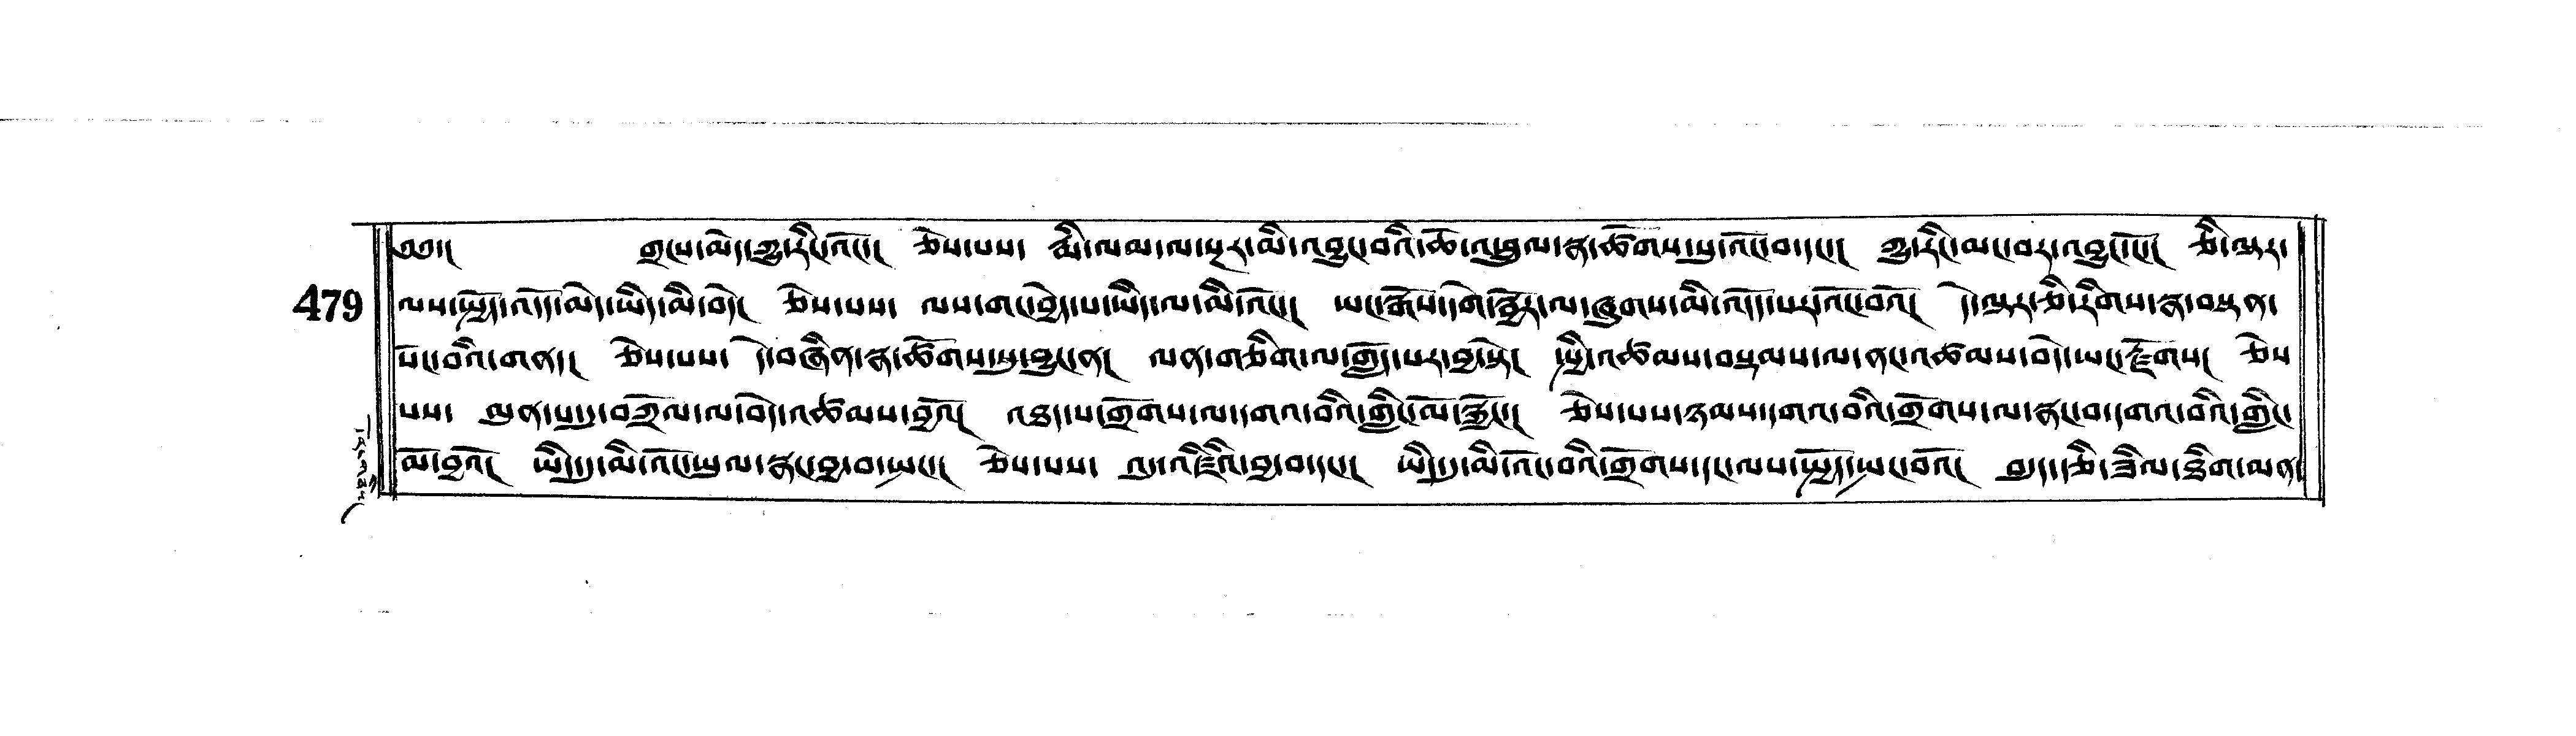གྲངས་མེད་ཀྱུ་རིང་འོང་། ཅེས་པས། རྨི་ལམ་སྔར་མི་འབྱུང་བའི་ཆོ་འཕྲུལ་སྣ་ཚོགས་སུ་འོང་བ་དང་། ཀྱུ་རིང་མང་བར་འབྱུང་ངོ་། ཅི་ལྟར་
ལས་སྤྱོད་འདོད་མེད་ཡིད་མི་བདེ། ཅེས་པས། ལས་གང་བྱེད་པ་ཡིད་ལ་མི་འོང་། ཡང་སྒོས་དགེ་སྦྱོར་ལ་ཞུགས་མི་འདོད་པར་འོང་བའོ། དེ་ལྟར་ཅི་རིགས་སྣ་བསྟན་
སོང་བའི་གནད། ཅེས་པས། དེ་བཞིན་སྣ་ཚོགས་སུ་བྱུང་ན། ལན་གཅིག་ལ་གློད་པར་བྱ་སྟེ། སྤྱི་མཚམས་བསྡམས་ལ་ནང་མཚམས་བདེ་ཡང་རྫོགས། ཅེས་
པས། མུན་པ་དུ་བཀྲོལ་ལ་བདེ་མཚམས་བྱའོ། འཐད་པ་གྲོགས་ལ་དགའ་བའི་གླེང་མོ་སྐྱོང་། ཅེས་པས། ཉམས་དགའ་བའི་གྲོགས་ལ་སྣང་བ་དགའ་བའི་གླེང་
མོ་བྱའོ། ཡིད་དུ་མི་འོང་ཡུལ་སྣང་བྱ་བ་སྤང་། ཅེས་པས། འདུ་འཛིའི་བྱ་བ་དང་། ཡིད་དུ་མི་འོང་བའི་གྲོགས་དང་ལས་སྤྱོད་སྤང་བའོ། བདུད་རྩི་ཟིལ་ཐིག་མན་